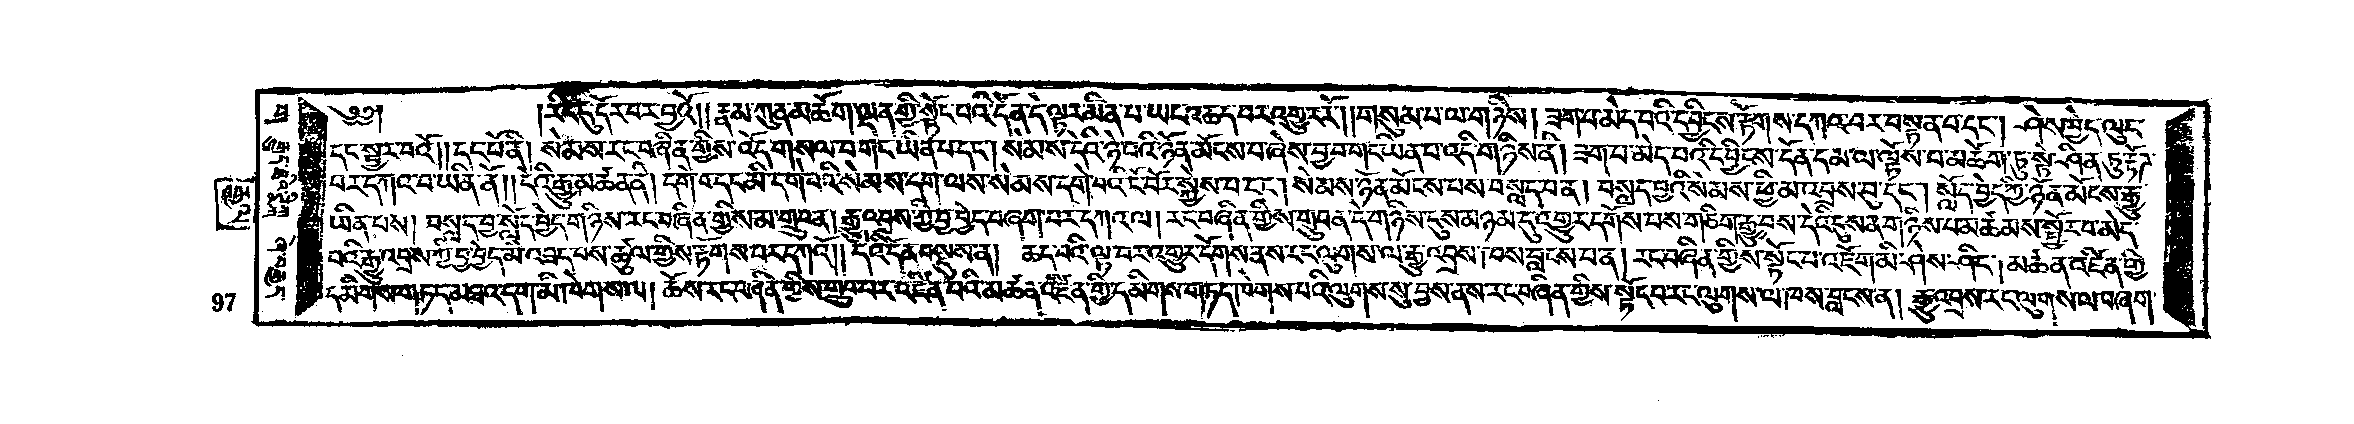༄༅། །རིང་དུ་དོར་བར་བྱའོ། །རྣམ་ཀུན་མཆོག་ལྡན་གྱི་སྟོང་པའི་དོན་དེ་ལྟར་མིན་པ་ཡང་འཆད་པར་འགྱུར་རོ། །གསུམ་པ་ལ་གཉིས། ཟག་པ་མེད་པའི་དབྱིངས་རྟོགས་དཀའ་བར་བསྟན་པ་དང་། ཤེས་བྱེད་ལུང་
དང་སྦྱར་བའོ། །དང་པོ་ནི། སེམས་རང་བཞིན་གྱིས་འོད་གསལ་བ་གང་ཡིན་པ་དང་། སེམས་དེའི་ཉེ་བའི་ཉོན་མོངས་པ་ཞེས་བྱ་བ་གང་ཡིན་པ་འདི་གཉིས་ནི། ཟག་པ་མེད་པའི་དབྱིངས་དོན་དམ་ལ་ལྟོས་པ་མཆོག་ཏུ་སྟེ་ཤིན་ཏུ་རྟོགས་
པར་དཀའ་བ་ཡིན་ནོ། །དེའི་རྒྱུ་མཚན་ནི། དགེ་བ་དང་མི་དགེ་བའི་སེམས་དག་ལས་སེམས་དགེ་བའི་ངོ་བོར་སྐྱེས་པ་དང་། སེམས་ཉོན་མོངས་པས་བསླད་པ་ན། བསླད་བྱའི་སེམས་ཕྱི་མ་འབྲལ་བུ་དང་། སློད་བྱེད་ཀྱི་ཉོན་མོངས་རྒྱུ་
ཡིན་པས། བསླད་བྱ་སློད་བྱེད་གཉིས་རང་བཞིན་གྱིས་མ་གྲུབ་ན། རྒྱུ་འབྲས་ཀྱི་བྱ་བྱེད་བཞག་པར་དཀའ་ལ། རང་བཞིན་གྱིས་གྲུབ་ན་དེ་གཉིས་དུས་མཉམ་དུ་འགྱུར་དགོས་པས་གཅིག་རྒྱུ་བས་དེའི་དུས་ན་གཉིས་པ་མཚམས་སྦྱོར་བ་མེད་
པའི་རྒྱུ་འབྲས་ཀྱི་བྱ་བྱེད་མི་འབྲད་པས་ཚུལ་གྱིས་རྟོགས་པར་དཀའོ། །དེའི་དོན་བསྡུས་ན། ཆད་པའི་ལྟ་བར་འགྱུར་དོགས་ནས་རང་ལུགས་ལ་རྒྱུ་འབྲས་ཁས་བླངས་པ་ན། རང་བཞིན་གྱིས་སྟོང་པ་འཇོག་མི་ཤེས་ཤིང་། མཚན་འཛིན་གྱི་
དམིགས་གཏད་མཐའ་དག་མི་ཁེགས་ལ། ཆོས་རང་བཞིན་གྱིས་གྲུབ་པར་འཛིན་པའི་མཚན་འཛིན་གྱི་དམིགས་གཏད་ཁེགས་པའི་ལུགས་སུ་བྱས་ནས་རང་བཞིན་གྱིས་སྟོང་པ་རང་ལུགས་ལ་ཁས་བླངས་ན། རྒྱུ་འབྲས་རང་ལུགས་ལ་བཞག་